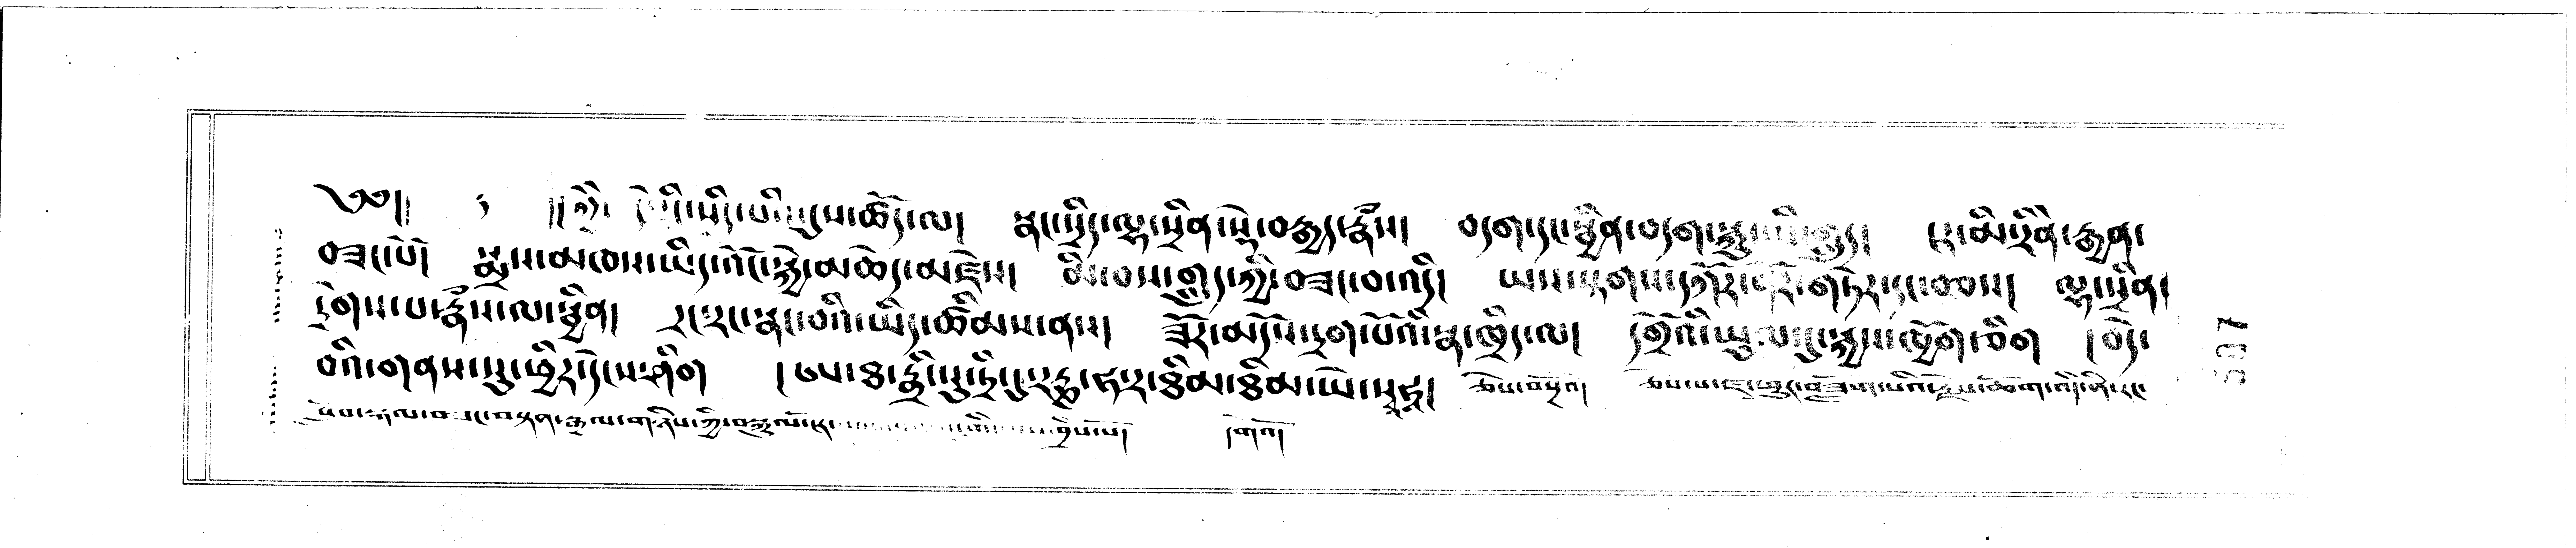།།ཀྱཻ། དེ་རིང་སྲིད་པའི་དུས་ཚོད་ལ། སྣང་སྲིད་ལྷ་སྲིན་སྡེ་བརྒྱད་རྣམས། བདག་དང་སྦྱིན་བདག་སྐུ་ཡི་གླུད། ངར་མི་རིན་ཆེན་རྒྱན་
བཟང་པོ། སྨྲ་མཁས་ཡིད་འོང་སྐྱེ་མཆེད་མཛེས། མི་བས་གླུད་ཀྱི་བཟང་བ་འདི། ཡས་སྟགས་དཀོར་ནོར་གཏེར་དང་བཅས། ལྷ་སྲིན་
དྲེགས་པ་རྣམས་ལ་སྦྱིན། རང་རང་སྣང་བའི་ཡིད་ཚིམས་ནས། ཟོར་མདོས་དྲག་པོའི་སྣ་ཁྲིད་ལ། དགྲ་བོའི་ཡུལ་དུ་སྐྱས་ཁྱོག་ཅིག། བདེ་
བའི་གནས་སུ་ཕྱིར་དེངས་ཤིག། ཨ་ཐ་རྣྲི་སུ་ཏྲི་རཏྞ་ཧ་ར་ཐིམ་ཐིམ་ཡེ་སྭཧཱ། ཅེས་བསྔོའོ། ཅེས་པ་ཛྭ་ཕུར་བཟློག་པའི་རྗེས་ཆོག་འདི་ནི་རང་
སློབ་སྐལ་བཟང་བསྟན་རྒྱལ་གཉིས་ཀྱི་བསྐུལ་ངོར། གསང་སྔགས་གླིང་པས་བྲིས་སོ། དགེའོ།